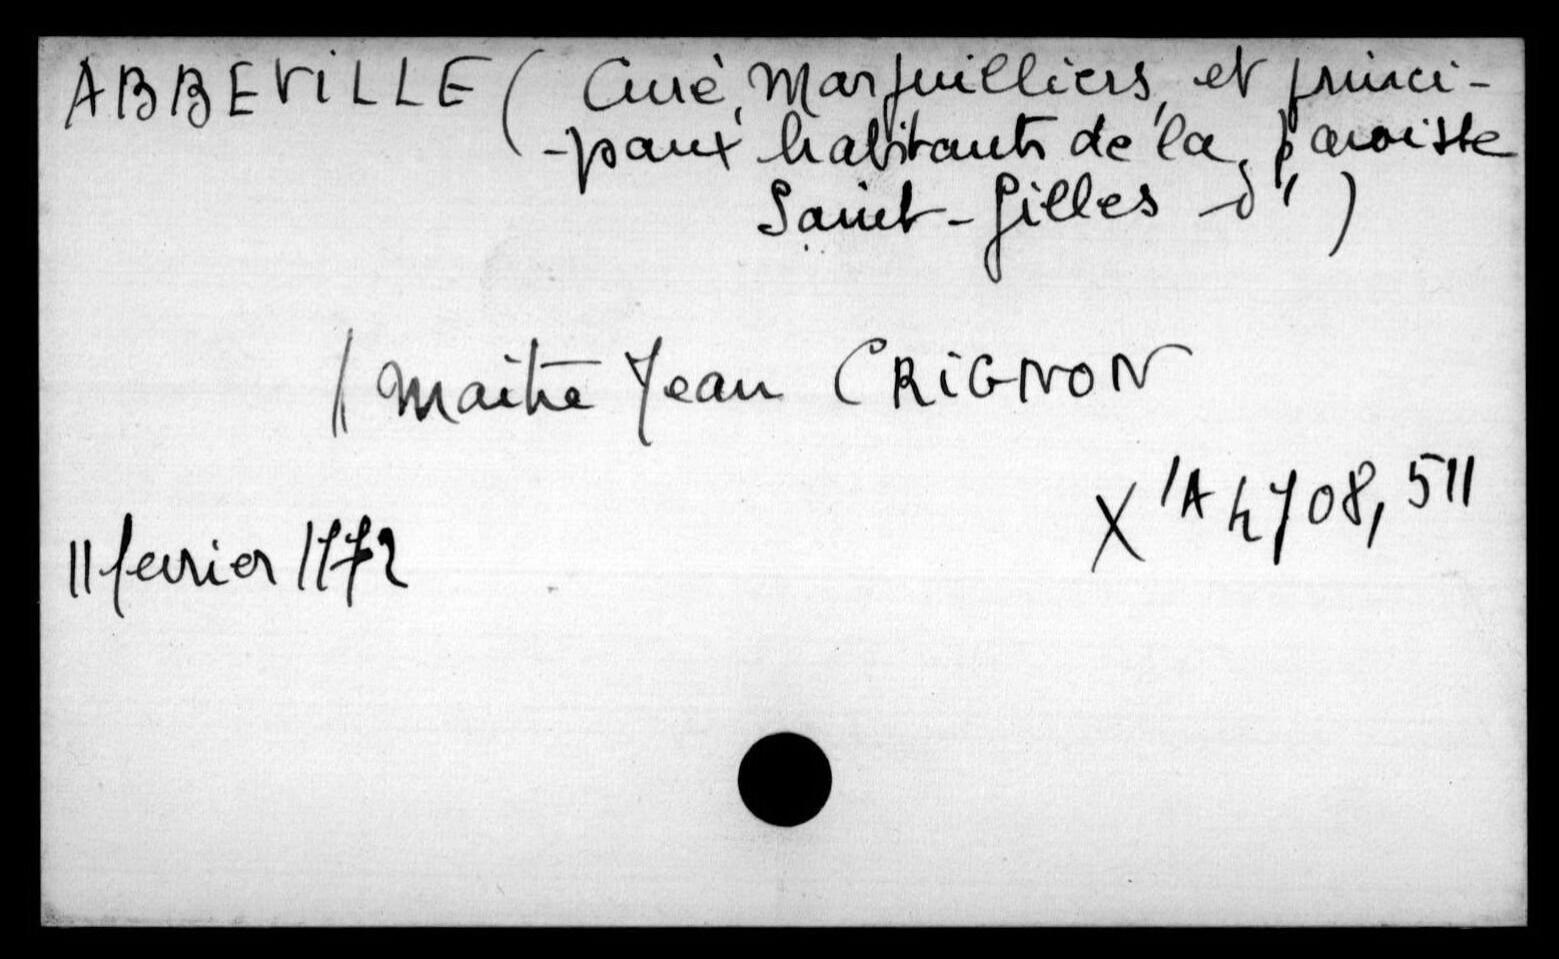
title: ABBEVILLE (curé, marguilliers et principaux habitants de la paroisse Saint-Gilles d')
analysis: Contre Maître Jean CRIGNON
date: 11 février 1772
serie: X1A
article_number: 4708
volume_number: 511
